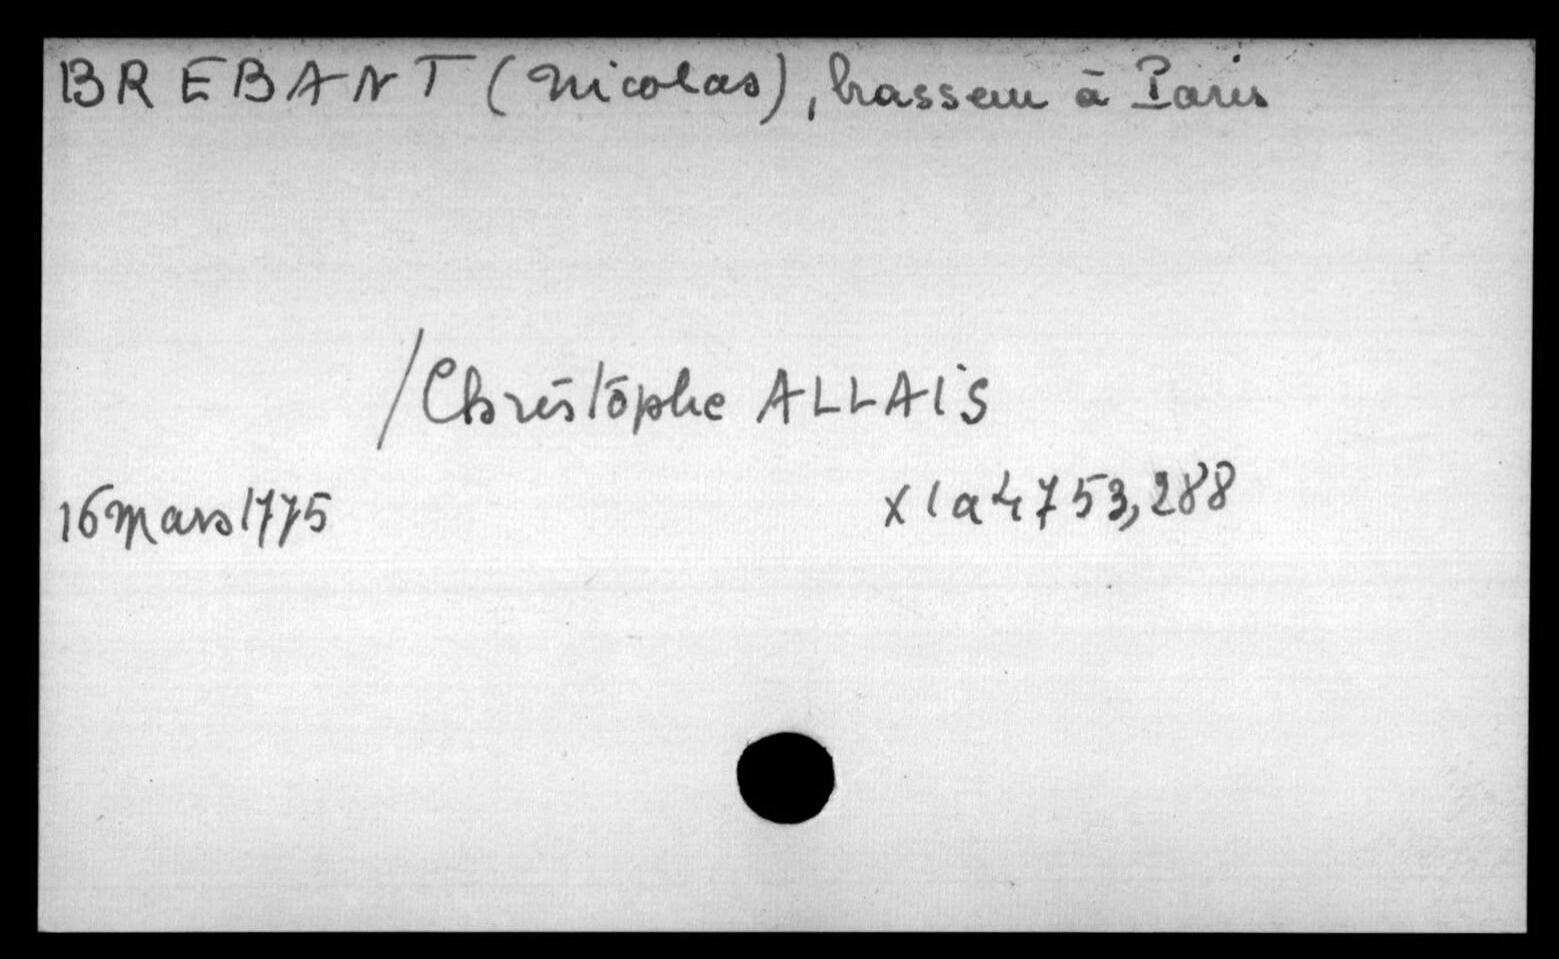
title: BREBANT (Nicolas), brasseur à Paris
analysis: Contre Christophe ALLAIS
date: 16 mars 1775
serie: X1a
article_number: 4753
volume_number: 288
